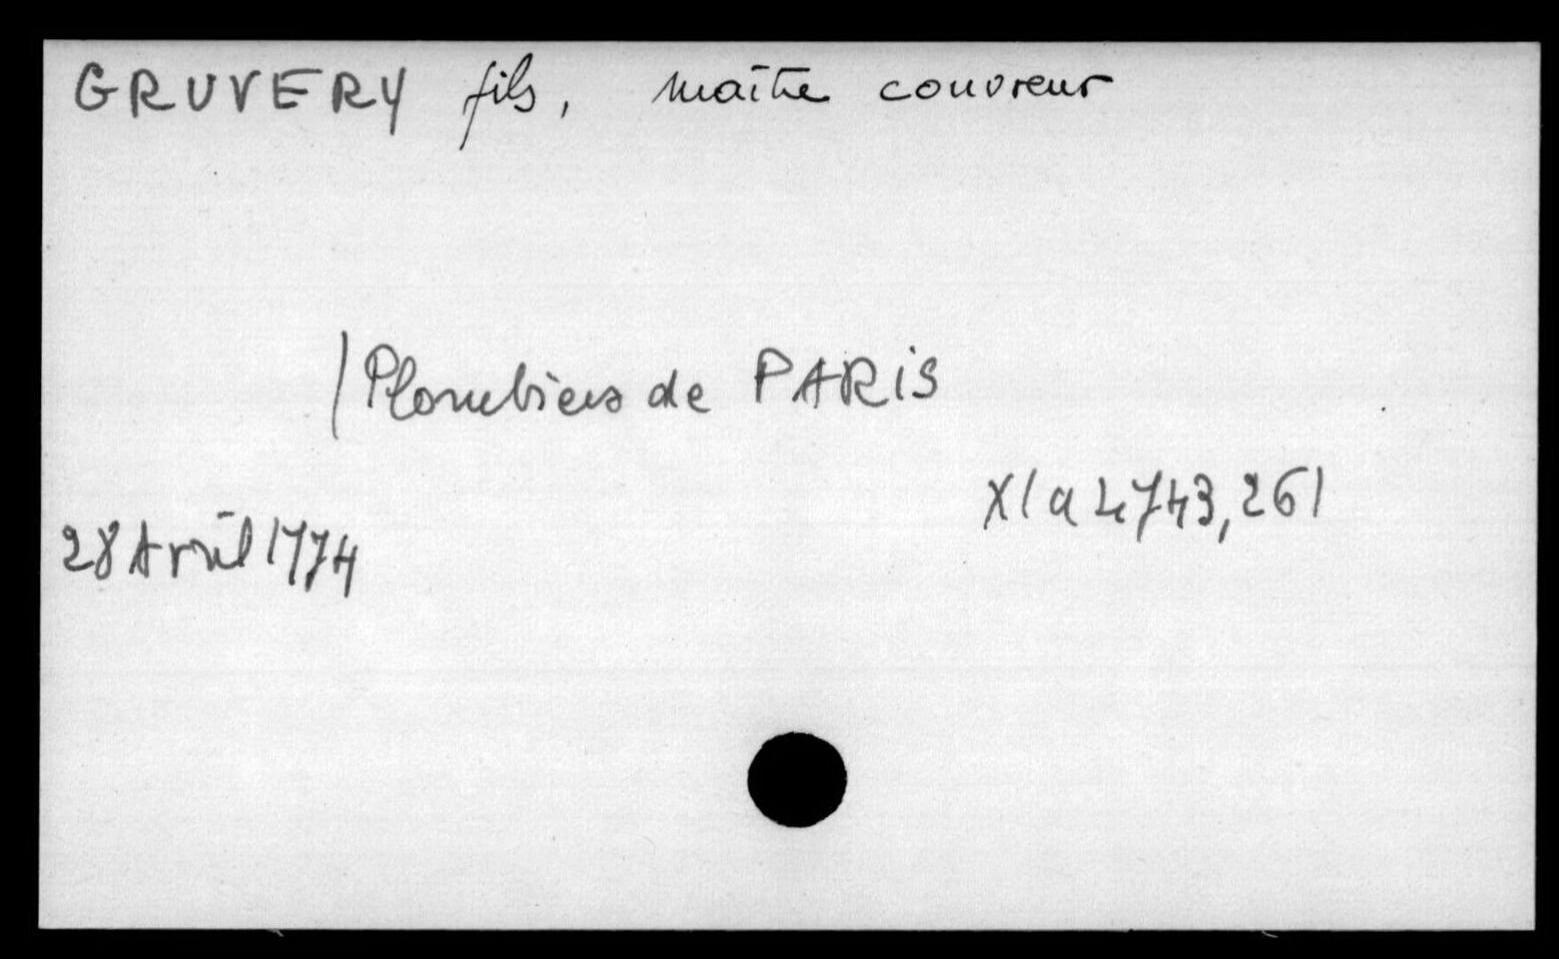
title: GRUVERY fils, maître couvreur
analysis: Contre Plombiers de PARIs
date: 28 avril 1774
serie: X1a
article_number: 4743
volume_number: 261
